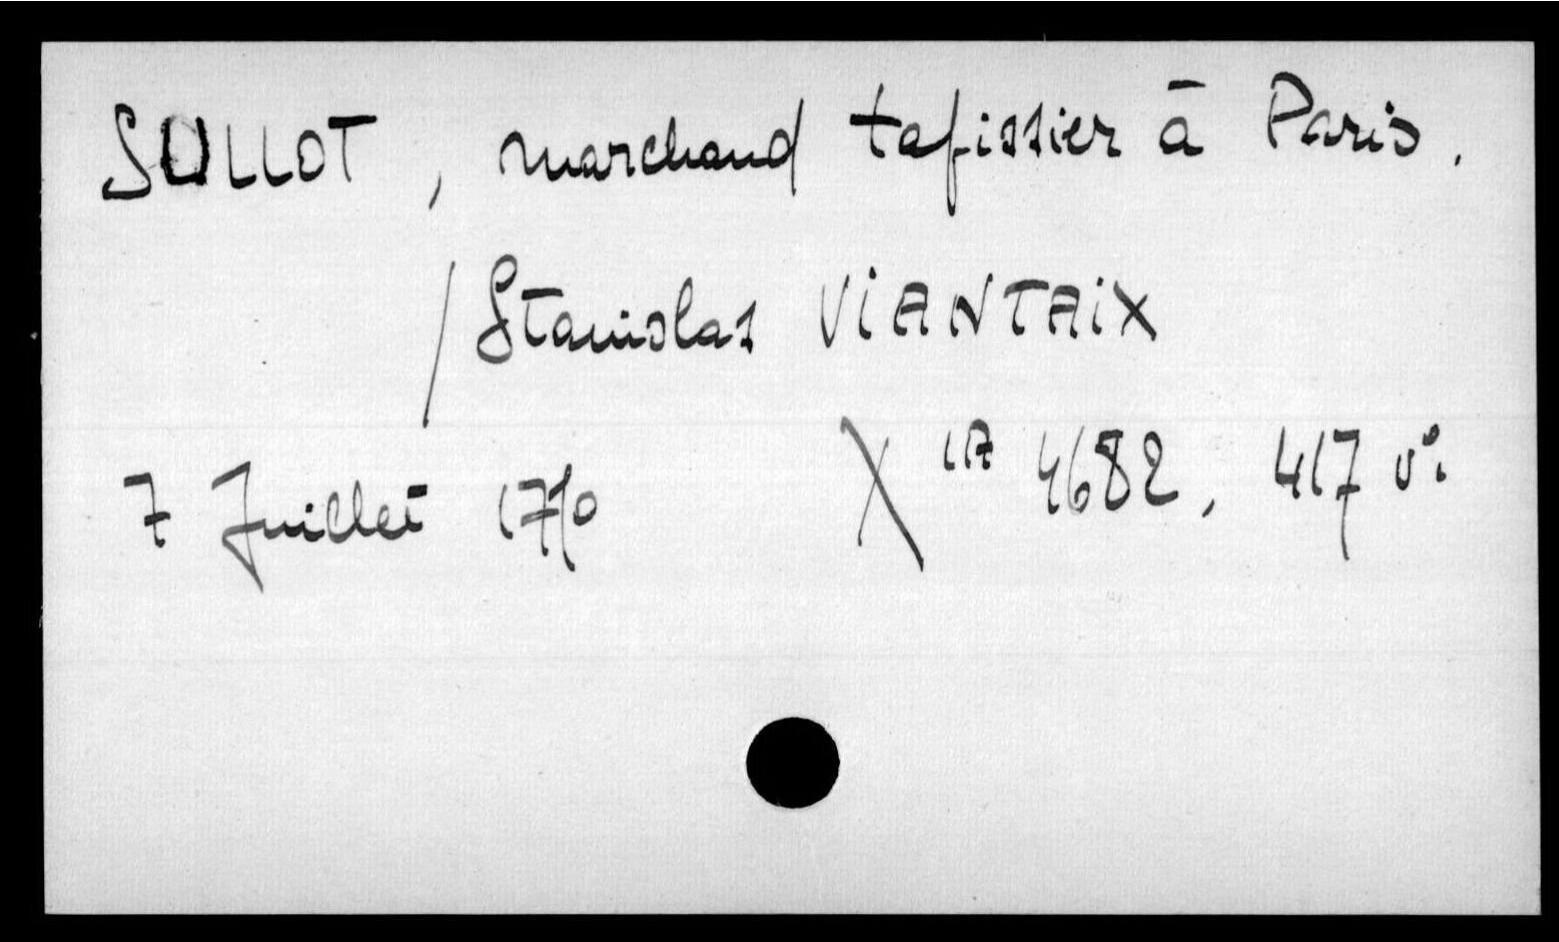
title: SULLOT, marchand tapissier à Paris.
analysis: Contre Stanislas VIANTAIX
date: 7 juillet 1770
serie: X1A
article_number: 4682
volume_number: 417v
